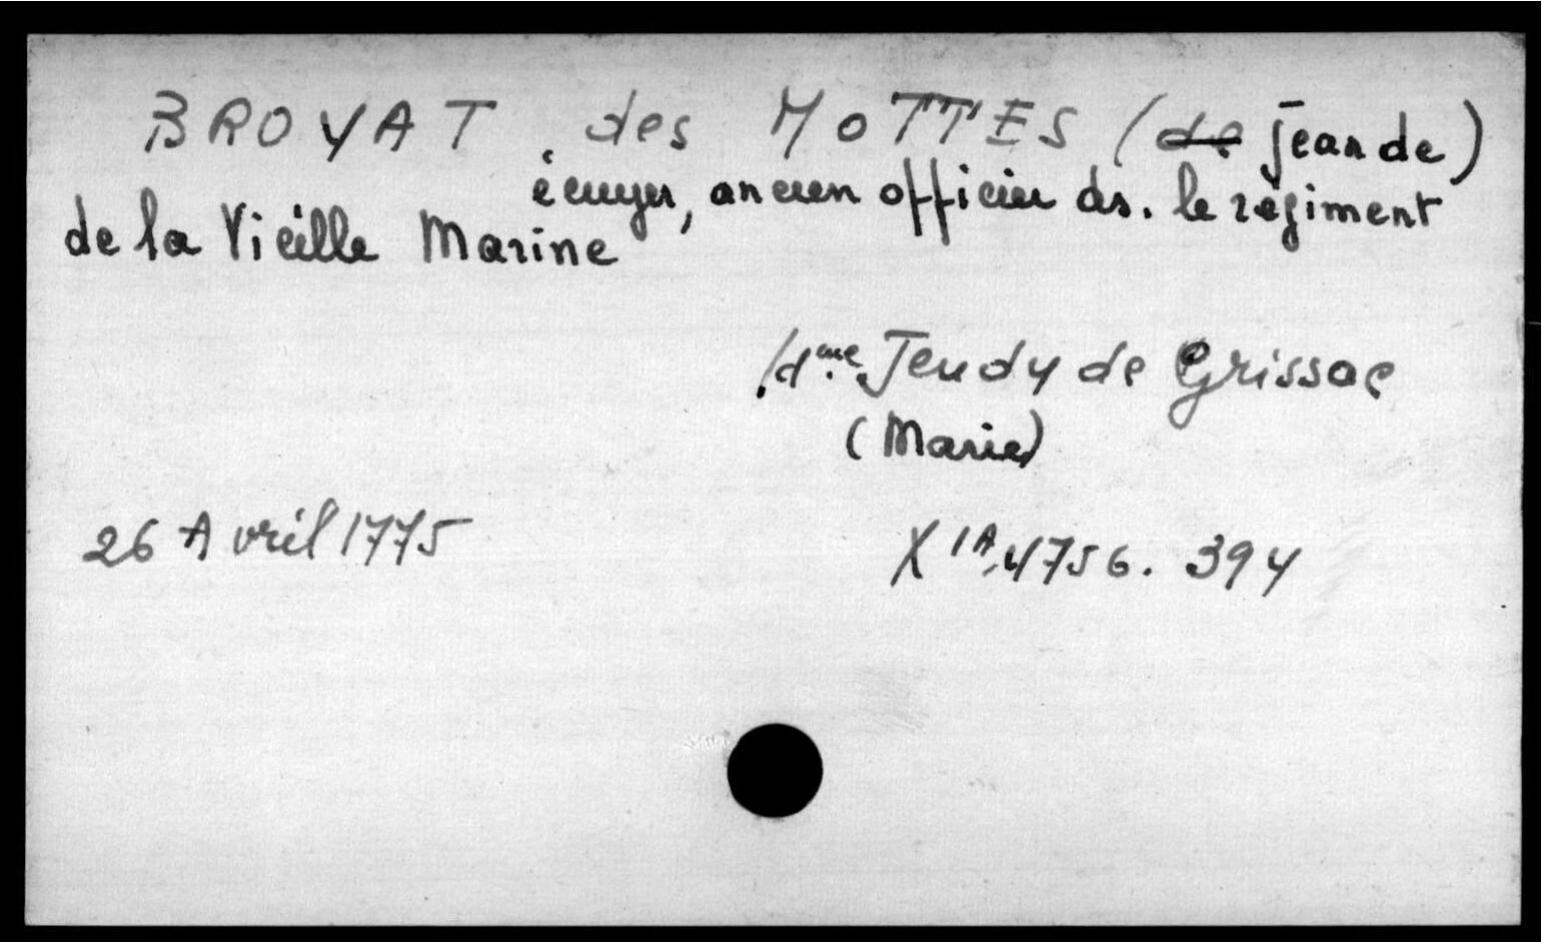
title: BROYAT des MOTTES (Jean de) écuyer, ancien officier dans le régiment de la vieille Marine
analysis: Contre madame Jeudy de Grissac (Marie)
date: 26 avril 1775
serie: X1A
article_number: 4756
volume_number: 394
